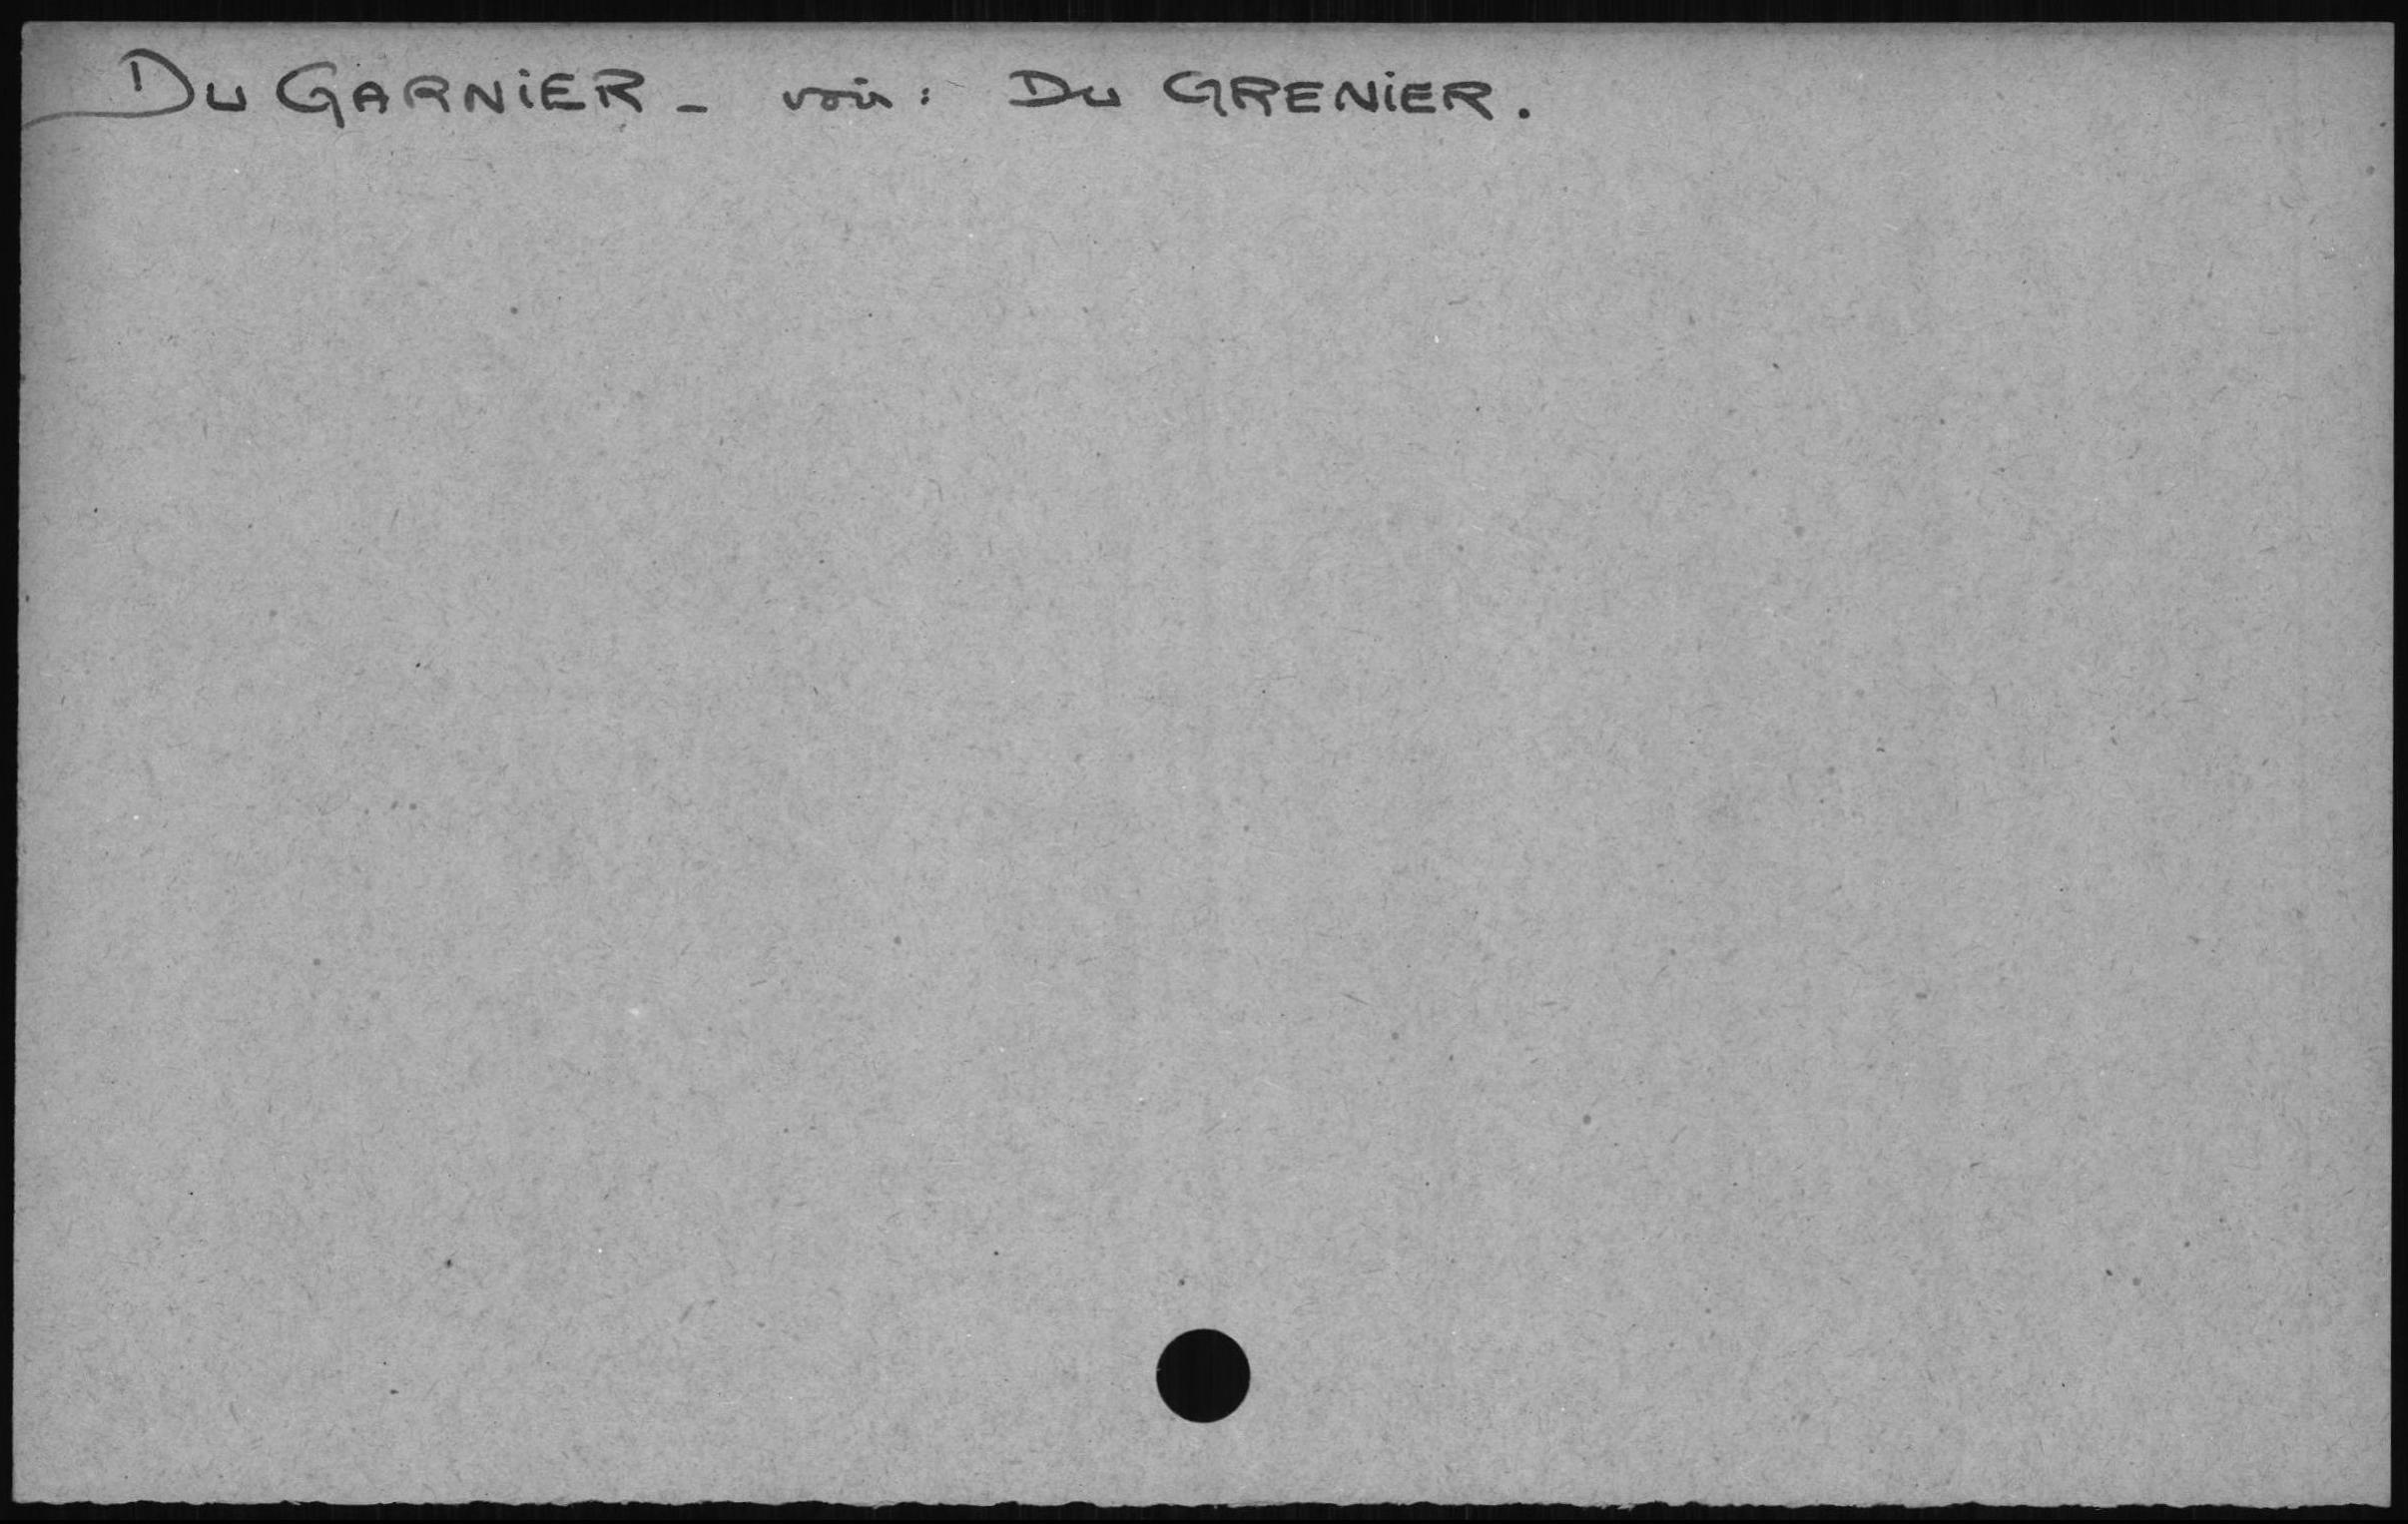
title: DU GARNIER -
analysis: voir : DU GRENIER
